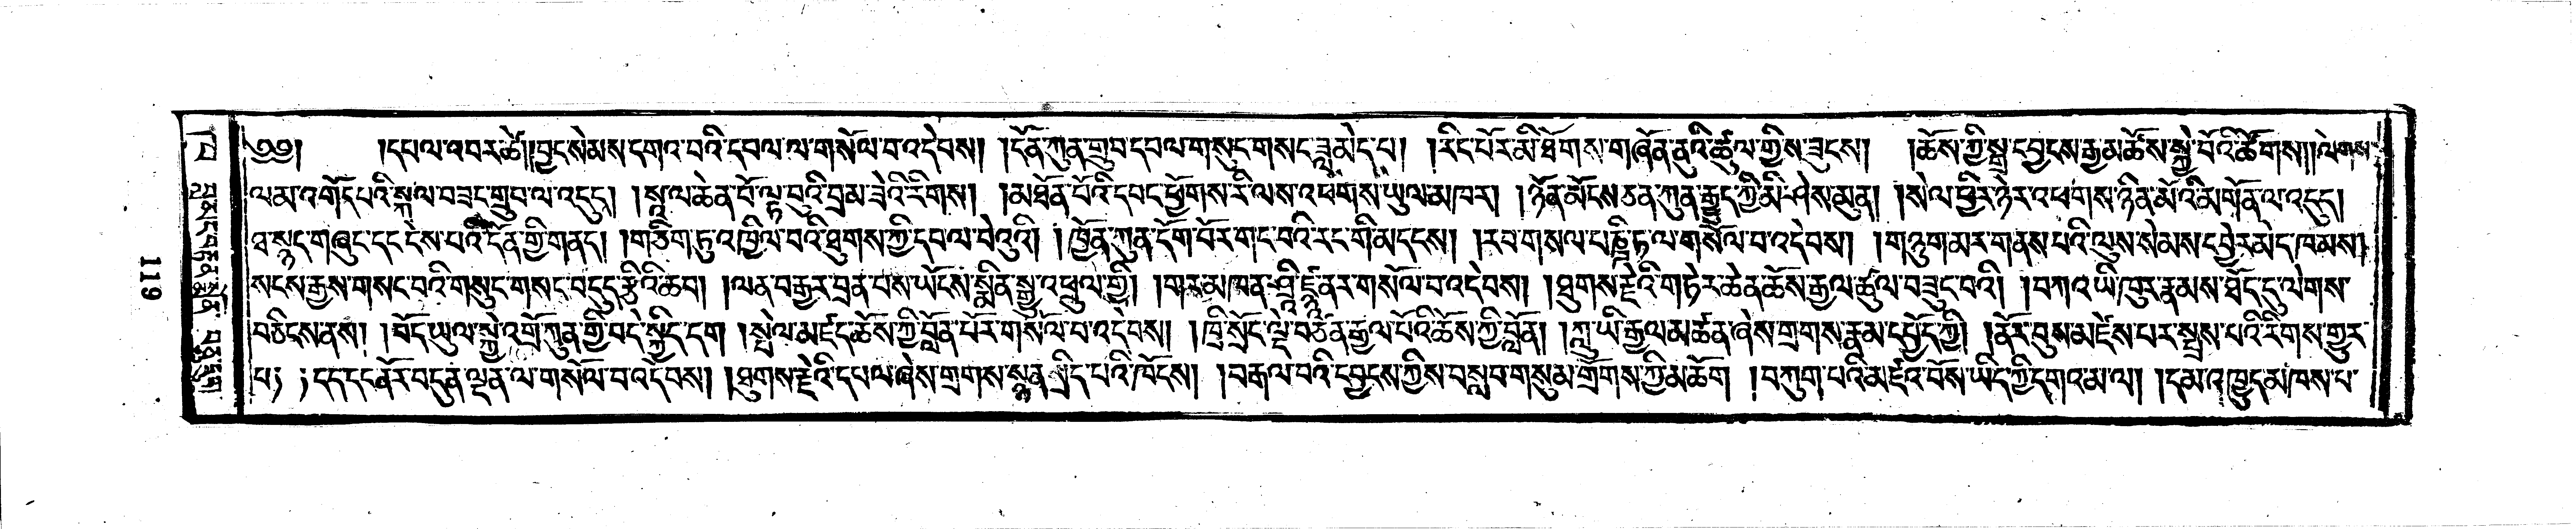༄༅། །དཔལ་འབར་ཚེ། །བྱང་སེམས་དགའ་བའི་དཔལ་ལ་གསོལ་བ་འདེབས། །དོན་ཀུན་གྲུབ་དཔལ་གསུང་གསང་ཟླ་མེད་པ། །རིང་པོར་མི་ཐོགས་གཞོན་ནུའི་ཚུལ་གྱིས་ཟུངས། །ཆོས་ཀྱི་སྒྲ་དབྱངས་རྒྱ་མཚོས་སྐྱེ་བོའི་ཚོགས། །ལེགས་
ལམ་འགོད་པའི་སྐལ་བཟང་གྲུབ་ལ་འདུད། །སཱ་ལ་ཆེན་པོ་ལྟ་བུའི་བྲམ་ཟེའི་རིགས། །མཐོན་པོའི་དབང་ཕྱོགས་རི་ལས་འཕགས་ཡུལ་མཁར། །ཉོན་མོངས་ཅན་ཀུན་རྒྱུད་ཀྱི་མི་ཤེས་མུན། །སེལ་ཕྱིར་ཉེར་འཕགས་ཉིན་མོའི་མགོན་ལ་འདུད།
ཐ་སྙད་གཞུང་དང་ངེས་པའི་དོན་གྱི་གནད། །གཅིག་ཏུ་འཁྱིལ་བའི་ཐུགས་ཀྱི་དཔལ་བེའུའི། །ཁྱོན་ཀུན་དོག་བོར་གང་བའི་རང་གི་མདངས། །རབ་གསལ་པཎྜི་ཏ་ལ་གསོལ་བ་འདེབས། །གཉུག་མར་གནས་པའི་ལུས་སེམས་དབྱེར་མེད་ཁམས།
སངས་རྒྱས་གསང་བའི་གསུང་གསང་བདུད་རྩིའི་ཆབ། །ལན་བརྒྱར་བྲན་པས་ཡོངས་སྨིན་སྒྱུ་འཕྲུལ་གྱི། །གར་མཁན་ཤྲཱི་ཛྙཱ་ནར་གསོལ་བ་འདེབས། །ཐུགས་རྗེའི་གཏེར་ཆེན་ཆོས་རྒྱལ་ཚུལ་བཟུང་བའི། །བཀའ་ཡི་ཁུར་རྣམས་ཐོང་དུ་ལེགས་
བཅིངས་ནས། །བོད་ཡུལ་སྐྱེ་འགྲོ་ཀུན་གྱི་བདེ་སྐྱིད་དག །སྤེལ་མཛད་ཆོས་ཀྱི་བློ་ན་པོར་གསོལ་བ་འདེབས། །ཁྲི་སྲོང་ལྡེ་བཙན་རྒྱལ་པོའི་ཆོས་ཀྱི་བློ་ན། །ཀླུ་ཡི་རྒྱལ་མཚན་ཞེས་གྲགས་རྣམ་དཔྱོད་ཀྱི། །ནོར་བུས་མཛེས་པར་སྤྲས་པའི་རིགས་གྱུར་
པ༑ ༑དད་དང་ནོར་བདུན་ལྡན་ལ་གསོལ་བ་འདེབས། །ཐུགས་རྗེའི་དཔལ་ཞེས་གྲགས་སྙན་སྲིད་པའི་ཁོངས། །བརྒྱལ་བའི་དབྱངས་ཀྱིས་བསླབ་གསུམ་གྲོགས་ཀྱི་མཆོག །བཀུག་པའི་མཛའ་བོས་ཡིད་ཀྱི་དགའ་མ་ལ། །དམ་འཁྱུད་མཁས་པ་